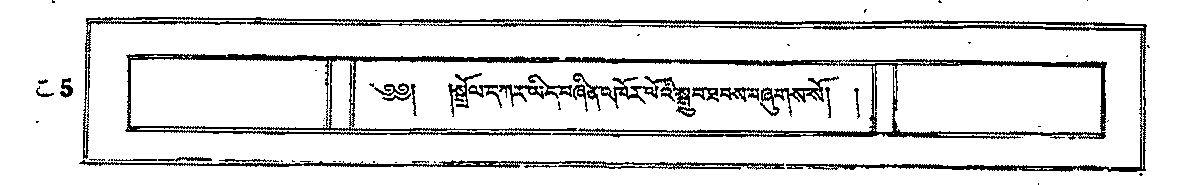༄༅། །སྒྲོལ་དཀར་ཡིད་བཞིན་འཁོར་ལོའི་སྒྲུབ་ཐབས་བཞུགས་སོ། །